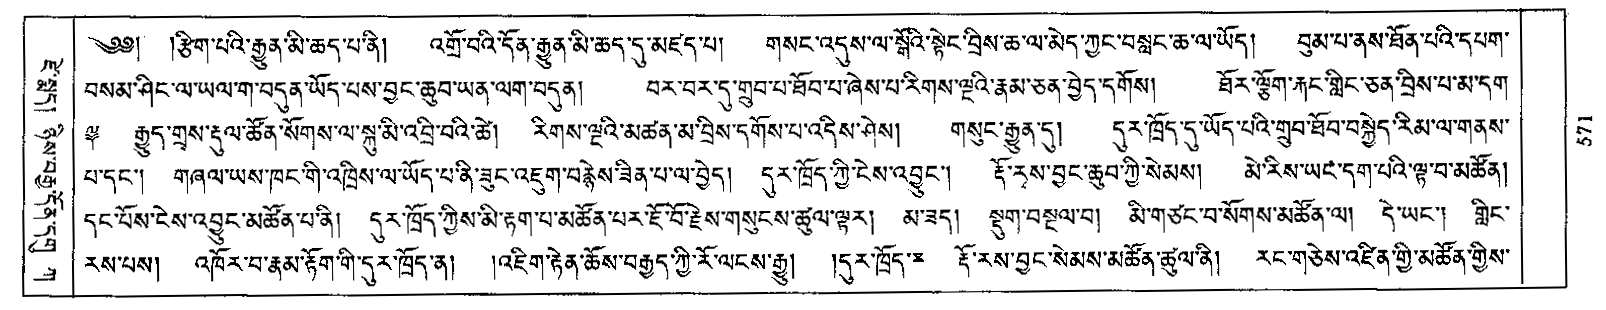༄༅། །རྩིག་པའི་རྒྱུན་མི་ཆད་པ་ནི། འགྲོ་བའི་དོན་རྒྱུན་མི་ཆད་དུ་མཛད་པ། གསང་འདུས་ལ་སྒོའི་སྟེང་བྲིས་ཆ་ལ་མེད་ཀྱང་བསླང་ཆ་ལ་ཡོད། བུམ་པ་ནས་ཐོན་པའི་དཔག་
བསམ་ཤིང་ལ་ཡལ་ག་བདུན་ཡོད་པས་བྱང་ཆུབ་ཡན་ལག་བདུན། བར་བར་དུ་གྲུབ་པ་ཐོབ་པ་ཞེས་པ་རིགས་ལྔའི་རྣམ་ཅན་བྱེད་དགོས། ཐོར་ལྕོག་རྐང་གླིང་ཅན་བྲིས་པ་མ་དག་
༈ རྒྱུད་གྲྭས་རྡུལ་ཚོན་སོགས་ལ་སྐུ་མི་འབྲི་བའི་ཚེ། རིགས་ལྔའི་མཚན་མ་བྲིས་དགོས་པ་འདིས་ཤེས། གསུང་རྒྱུན་དུ། དུར་ཁྲོད་དུ་ཡོད་པའི་གྲུབ་ཐོབ་བསྐྱེད་རིམ་ལ་གནས་
པ་དང་། གཞལ་ཡས་ཁང་གི་འཁྲིས་ལ་ཡོད་པ་ནི་ཟུང་འཇུག་བརྙེས་ཟིན་པ་ལ་བྱེད། དུར་ཁྲོད་ཀྱི་ངེས་འབྱུང་། རྡོ་རྭས་བྱང་ཆུབ་ཀྱི་སེམས། མེ་རིས་ཡང་དག་པའི་ལྟ་བ་མཚོན།
དང་པོས་ངེས་འབྱུང་མཚོན་པ་ནི། དུར་ཁྲོད་ཀྱིས་མི་རྟག་པ་མཚོན་པར་ཇོ་བོ་རྗེས་གསུངས་ཚུལ་ལྟར། མ་ཟད། སྡུག་བསྔལ་བ། མི་གཙང་བ་སོགས་མཚོན་ལ། དེ་ཡང་། གླིང་
རས་པས། འཁོར་བ་རྣམ་རྟོག་གི་དུར་ཁྲོད་ན། །འཇིག་རྟེན་ཆོས་བརྒྱད་ཀྱི་རོ་ལངས་རྒྱུ། །དུར་ཁྲོད་྾་རྡོ་རས་བྱང་སེམས་མཚོན་ཚུལ་ནི། རང་གཅེས་འཛིན་གྱི་མཚོན་གྱིས་